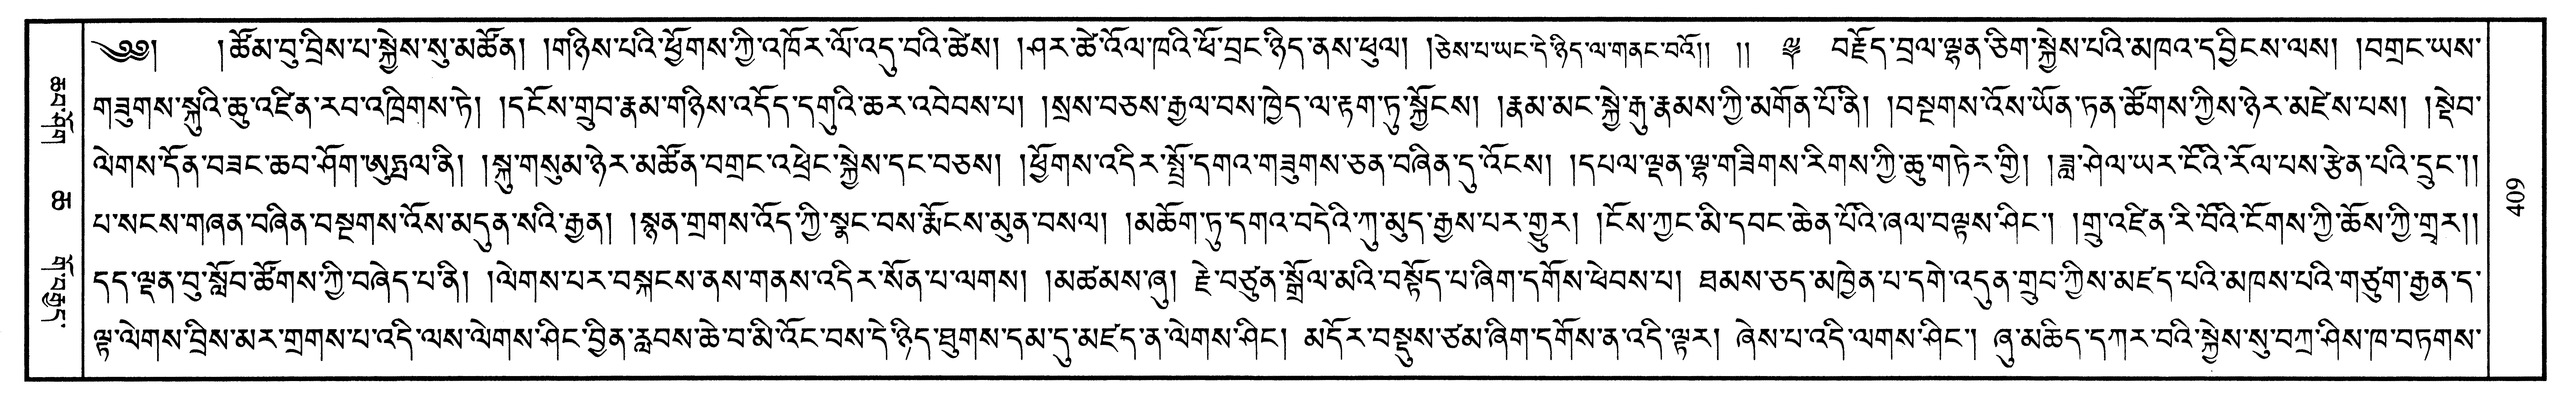༄༅། །ཚོམ་བུ་བྲིས་པ་སྐྱེས་སུ་མཚོན། །གཉིས་པའི་ཕྱོགས་ཀྱི་འཁོར་ལོ་འདུ་བའི་ཚེས། །ཤར་ཚེ་འོལ་ཁའི་ཕོ་བྲང་ཉིད་ནས་ཕུལ། །ཅེས་པ་ཡང་དེ་ཉིད་ལ་གནང་བའོ།། །། ༈ བརྗོད་བྲལ་ལྷན་ཅིག་སྐྱེས་པའི་མཁའ་དབྱིངས་ལས། །བགྲང་ཡས་
གཟུགས་སྐུའི་ཆུ་འཛིན་རབ་འཁྲིགས་ཏེ། །དངོས་གྲུབ་རྣམ་གཉིས་འདོད་དགུའི་ཆར་འབེབས་པ། །སྲས་བཅས་རྒྱལ་བས་ཁྱེད་ལ་རྟག་ཏུ་སྐྱོངས། །རྣམ་མང་སྐྱེ་རྒུ་རྣམས་ཀྱི་མགོན་པོ་ནི། །བསྔགས་འོས་ཡོན་ཏན་ཚོགས་ཀྱིས་ཉེར་མཛེས་པས། །སྡེབ་
ལེགས་དོན་བཟང་ཆབ་ཤོག་ཨུཏྤལ་ནི། །སྐུ་གསུམ་ཉེར་མཚོན་བགྲང་འཕྲེང་སྐྱེས་དང་བཅས། །ཕྱོགས་འདིར་སྤྲོ་དགའ་གཟུགས་ཅན་བཞིན་དུ་འོངས། །དཔལ་ལྡན་ལྷ་གཟིགས་རིགས་ཀྱི་ཆུ་གཏེར་གྱི། །ཟླ་ཤེལ་ཡར་ངོའི་རོལ་པས་རྩེན་པའི་དྲུང།།
པ་སངས་གཞན་བཞིན་བསྔགས་འོས་མདུན་སའི་རྒྱན། །སྙན་གྲགས་འོད་ཀྱི་སྣང་བས་རྨོངས་མུན་བསལ། །མཆོག་ཏུ་དགའ་བདེའི་ཀུ་མུད་རྒྱས་པར་གྱུར། །ངོས་ཀྱང་མི་དབང་ཆེན་པོའི་ཞལ་བལྟས་ཤིང་། །གྲུ་འཛིན་རི་བོའི་ངོགས་ཀྱི་ཆོས་ཀྱི་གྲྭར།།
དད་ལྡན་བུ་སློབ་ཚོགས་ཀྱི་བཞེད་པ་ནི། །ལེགས་པར་བསྐངས་ནས་གནས་འདིར་སོན་པ་ལགས། །མཚམས་ཞུ། རྗེ་བཙུན་སྒྲོལ་མའི་བསྟོད་པ་ཞིག་དགོས་ཕེབས་པ། ཐམས་ཅད་མཁྱེན་པ་དགེ་འདུན་གྲུབ་ཀྱིས་མཛད་པའི་མཁས་པའི་གཙུག་རྒྱན་ད་
ལྟ་ལེགས་བྲིས་མར་གྲགས་པ་འདི་ལས་ལེགས་ཤིང་བྱིན་རླབས་ཆེ་བ་མི་འོང་བས་དེ་ཉིད་ཐུགས་དམ་དུ་མཛད་ན་ལེགས་ཤིང་། མདོར་བསྡུས་ཙམ་ཞིག་དགོས་ན་འདི་ལྟར། ཞེས་པ་འདི་ལགས་ཤིང་། ཞུ་མཆིད་དཀར་བའི་སྐྱེས་སུ་བཀྲ་ཤིས་ཁ་བཏགས་